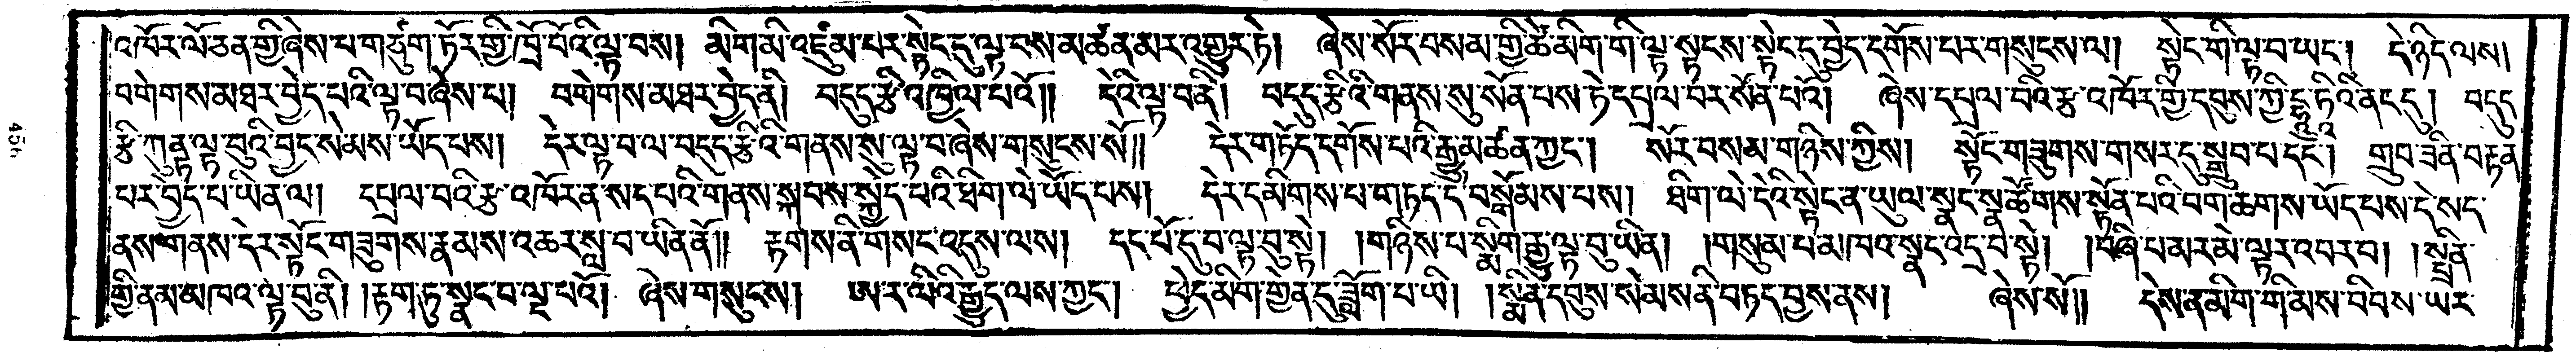འཁོར་ལོ་ཅན་གྱི་ཞེས་པ་གཙུག་ཏོར་གྱི་ཁྲོ་བོའི་ལྟ་བས། མིག་མི་འཛུམ་པར་སྟེང་དུ་ལྟ་བས་མཚན་མར་འགྱུར་ཏེ། ཞེས་སོར་བསམ་གྱི་ཚེ་མིག་གི་ལྟ་སྟངས་སྟེང་དུ་བྱེད་དགོས་པར་གསུངས་ལ། སྟེང་གི་ལྟ་བ་ཡང་། དེ་ཉིད་ལས།
བགེགས་མཐར་བྱེད་པའི་ལྟ་བ་ཞེས་པ། བགེགས་མཐར་བྱེད་ནི། བདུད་རྩི་འཁྱིལ་པའོ།། དེའི་ལྟ་བ་ནི། བདུད་རྩིའི་གནས་སུ་སོན་པས་ཏེ་དཔྲལ་བར་སོན་པའོ། ཞེས་དཔྲལ་བའི་རྩ་འཁོར་གྱི་དབུས་ཀྱི་དྷཱུ་ཏཱིའི་ནང་དུ། བདུད་
རྩི་ཀུནྟ་ལྟ་བུའི་བྱང་སེམས་ཡོད་པས། དེར་ལྟ་བ་ལ་བདུད་རྩིའི་གནས་སུ་ལྟ་བ་ཞེས་གསུངས་སོ།། དེར་གཏོད་དགོས་པའི་རྒྱུ་མཚན་ཀྱང་། སོར་བསམ་གཉིས་ཀྱིས། སྟོང་གཟུགས་གསར་དུ་སྒྲུབ་པ་དང་། གྲུབ་ཟིན་བརྟན་
པར་བྱེད་པ་ཡིན་ལ། དཔྲལ་བའི་རྩ་འཁོར་ན་སད་པའི་གནས་སྐབས་སྐྱེད་པའི་ཐིག་ལེ་ཡོད་པས། དེར་དམིགས་པ་གཏད་དེ་བསྒོམས་པས། ཐིག་ལེ་དེའི་སྟེང་ན་ཡུལ་སྣང་སྣ་ཚོགས་སྟོན་པའི་བག་ཆགས་ཡོད་པས་དེ་སད་
ནས་གནས་དེར་སྟོང་གཟུགས་རྣམས་འཆར་སླ་བ་ཡིན་ནོ།། རྟགས་ནི་གསང་འདུས་ལས། དང་པོ་དུ་བ་ལྟ་བུ་སྟེ། །གཉིས་པ་སྨིག་རྒྱུ་ལྟ་བུ་ཡིན། །གསུམ་པ་མཁའ་སྣང་འདྲ་བ་སྟེ། །བཞི་པ་མར་མེ་ལྟར་འབར་བ། །སྤྲིན་
གྱི་ནམ་མཁའ་ལྟ་བུ་ནི། །རྟག་ཏུ་སྣང་བ་ལྔ་པའོ། ཞེས་གསུངས། ཨ་ར་ལིའི་རྒྱུད་ལས་ཀྱང་། ཕྱེད་མིག་གྱེན་དུ་ཟློག་པ་ཡི། །སྨིན་དབུས་སེམས་ནི་བཏད་བྱས་ནས། ཞེས་སོ། དེས་ན་མིག་གི་མས་བིབས་ཡར་